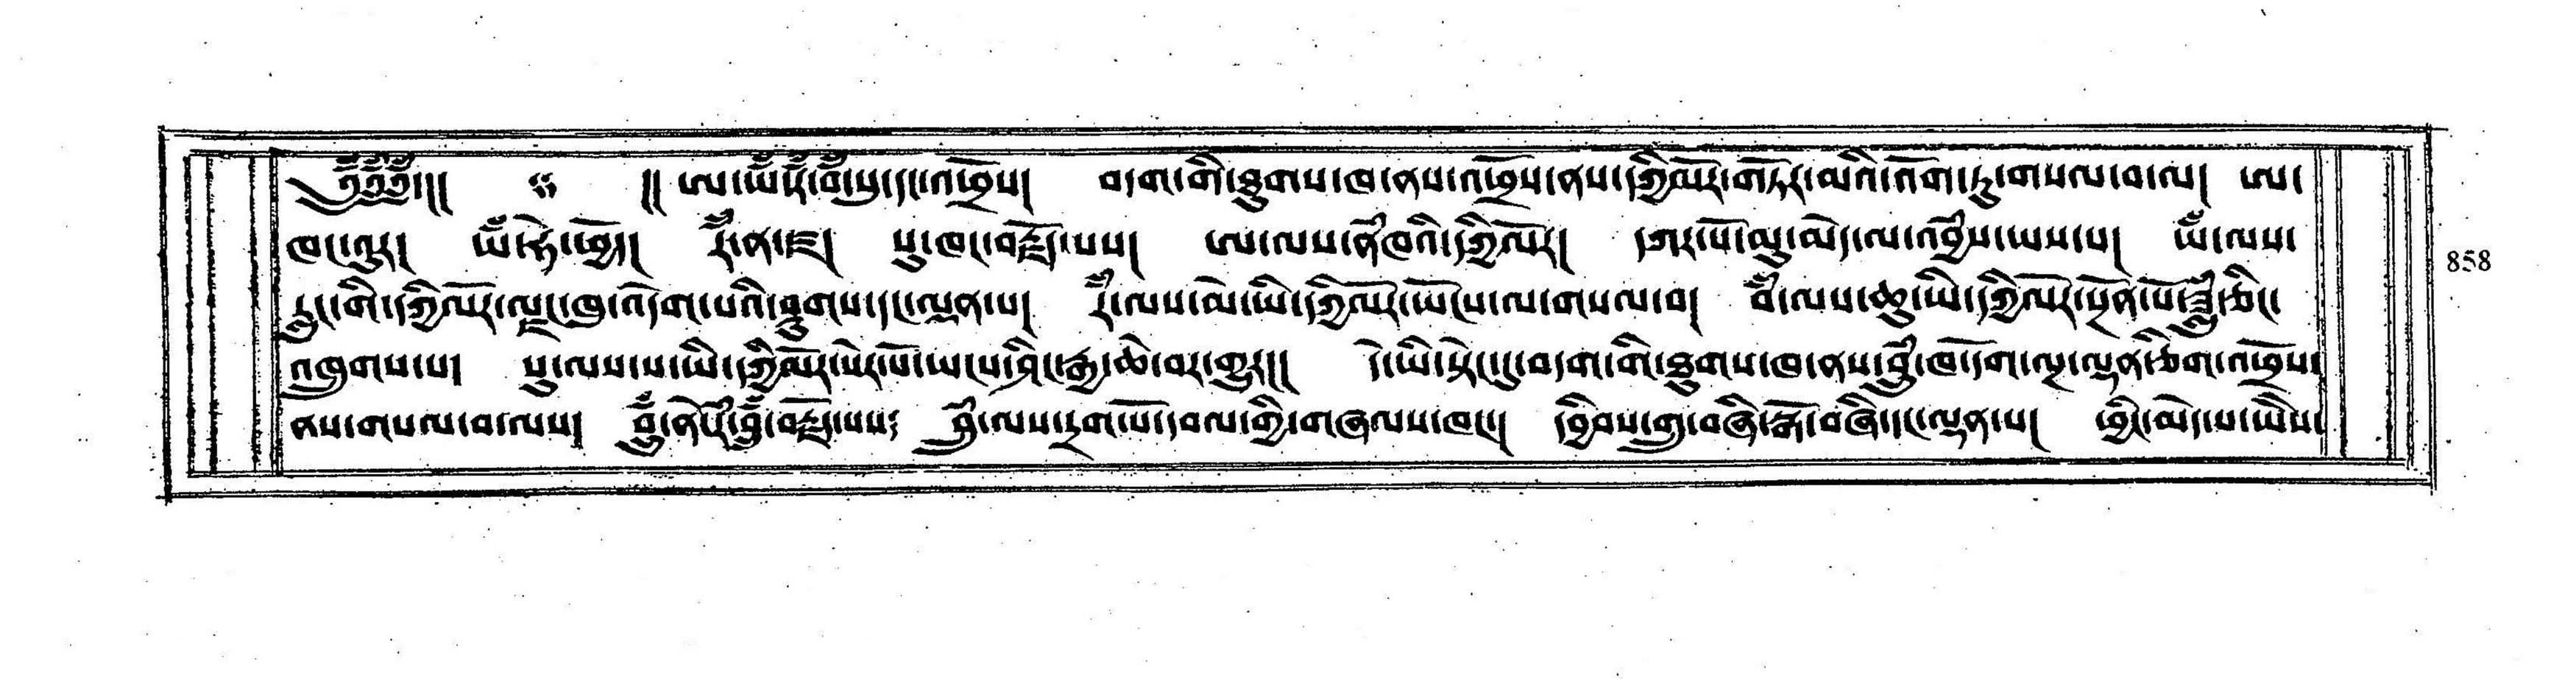༄༅༅།། །།ཨ་ཡྃ་རྃ་བྃ་སུ་དང་འཕྲོས། བདག་གི་ཐུགས་ཁ་ནས་འཕྲོས་ནས་དཀྱིལ་འཁོར་གཏོར་མའི་འོག་ཏུ་གསལ་བ་ལ། ཨ་
ཁང་འུར། ཡྃ་ཧེ་ཕྱོད། རྃ་ན་ཛ། སུ་ཁང་བརྗོད་པས། ཨ་ལས་ནམ་མཁའི་དཀྱིལ་འཁོར། དཀར་པོ་མུ་མེད་ལ་འབྱམས་ཡས་པ། ཡྃ་ལས་
རླུང་གི་དཀྱིལ་འཁོར་ལྗང་ཁུ་འདེགས་པའི་ཤུགས་དང་ལྡན་པ། རྃ་ལས་མེ་ཡི་དཀྱིལ་འཁོར་ཡོངས་ལ་གསལ་བ། བྃ་ལས་ཆུ་ཡི་དཀྱིལ་འཁོར་སྔོན་པོ་ཟླུམ་ཅིང་
འཁྲུགས་པ། སུ་ལས་ས་ཡི་དཀྱིལ་འཁོར་སེར་པོ་ཡངས་ཤིང་རྒྱ་ཆེ་བར་གྱུར།། དེ་ཡི་སྟེང་དུ་བདག་གི་ཐུགས་ཁ་ནས་བྲུྃ་ཁ་དོག་ལྔ་ལྡན་ཅིག་འཕྲོས་
ནས་གསལ་བ་ལས། བྲུྃ་ནེ་རཾ་བྲུྃ་བརྗོད་པས བྲུཾ་ལས་དྲག་པོ་དབལ་གྱི་གཞལ་ཡས་ཁང་། དབྱིབས་གྲུ་བཞི་སྒོ་བཞི་དང་ལྡན་པ། ཕྱི་ནང་མེད་པ་ཡེ་ཤེས་